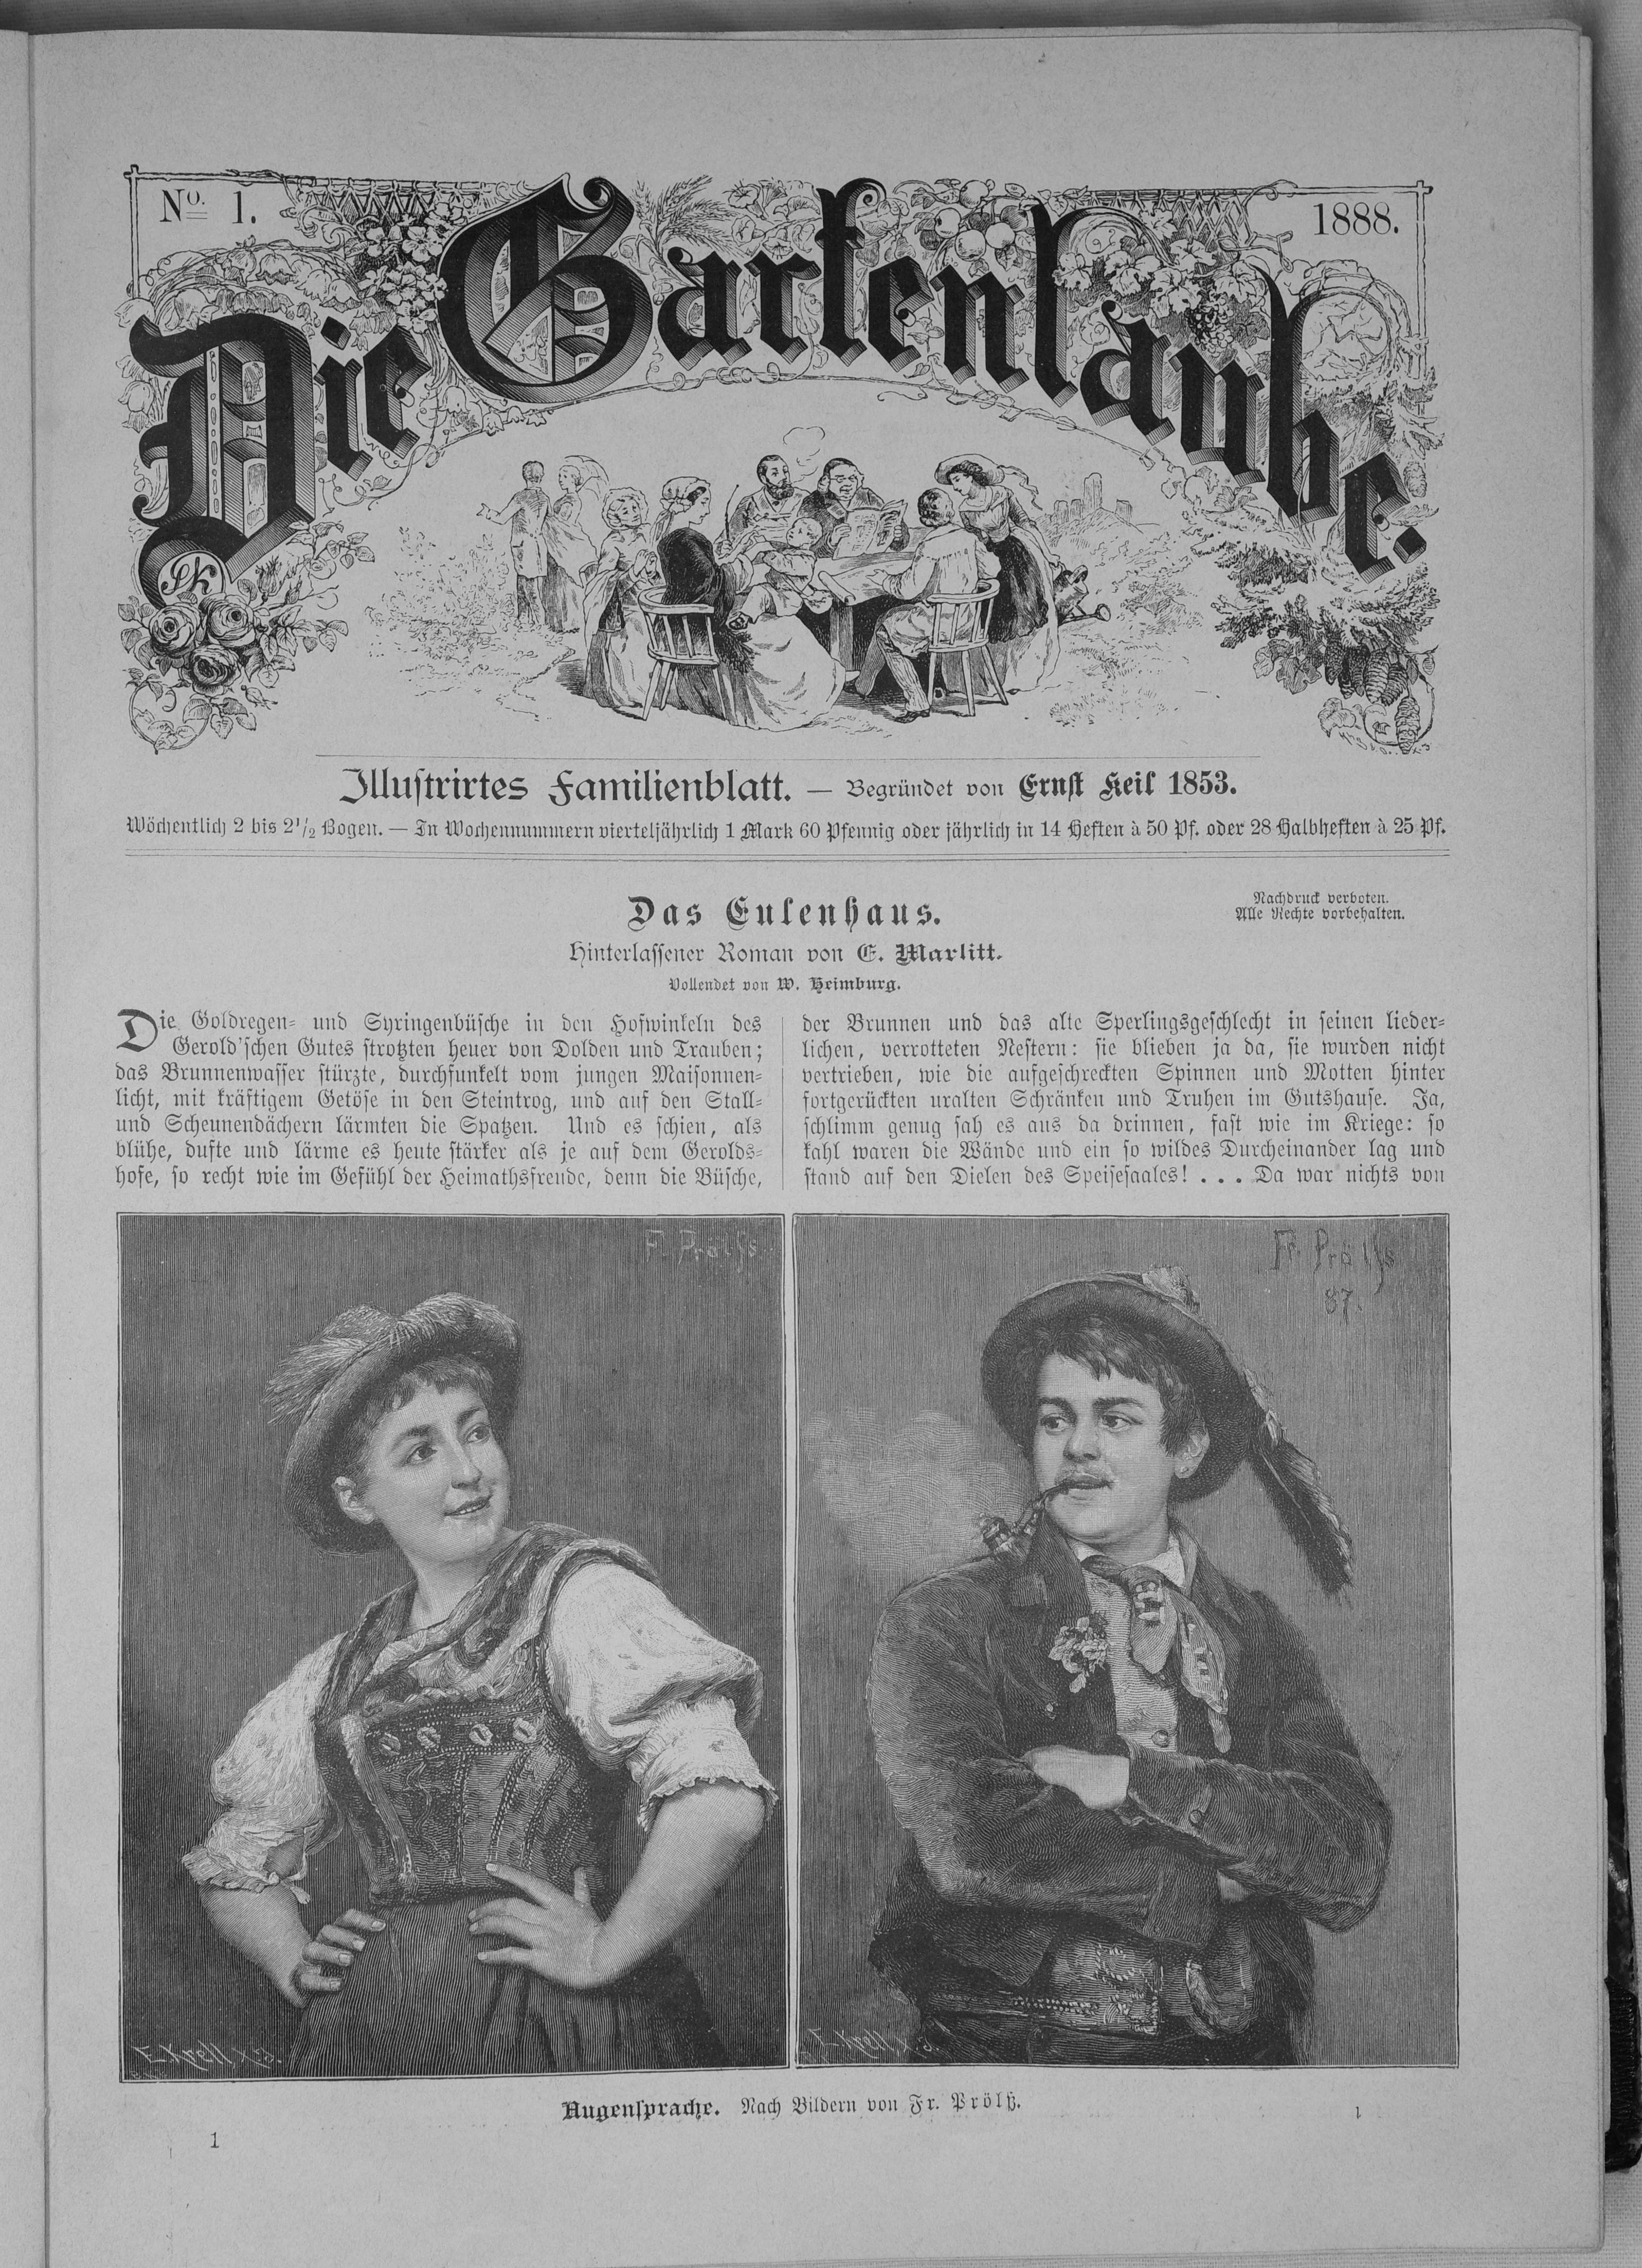Nachdruck verboten.
Alle Rechte vorbehalten.
Das Eulenhaus.

Hinterlassener Roman von E. Marlitt.

Vollendet von W. Heimburg.

Die Goldregen- und Syringenbüsche in den Hofwinkeln des Gerold’schen Gutes strotzten heuer von Dolden und Trauben; das Brunnenwasser stürzte, durchfunkelt vom jungen Maisonnenlicht, mit kräftigem Getöse in den Steintrog, und auf den Stall- und Scheunendächern lärmten die Spatzen. Und es schien, als blühe, dufte und lärme es heute stärker als je auf dem Geroldshofe, so recht wie im Gefühl der Heimathsfreude, denn die Büsche, der Brunnen und das alte Sperlingsgeschlecht in seinen liederlichen, verrotteten Nestern: sie blieben ja da, sie wurden nicht vertrieben, wie die aufgeschreckten Spinnen und Motten hinter fortgerückten uralten Schränken und Truhen im Gutshause. Ja, schlimm genug sah es aus da drinnen, fast wie im Kriege: so kahl waren die Wände und ein so wildes Durcheinander lag und stand auf den Dielen des Speisesaales! … Da war nichts von

Augensprache. Nach Bildern von Fr. Prölß.
